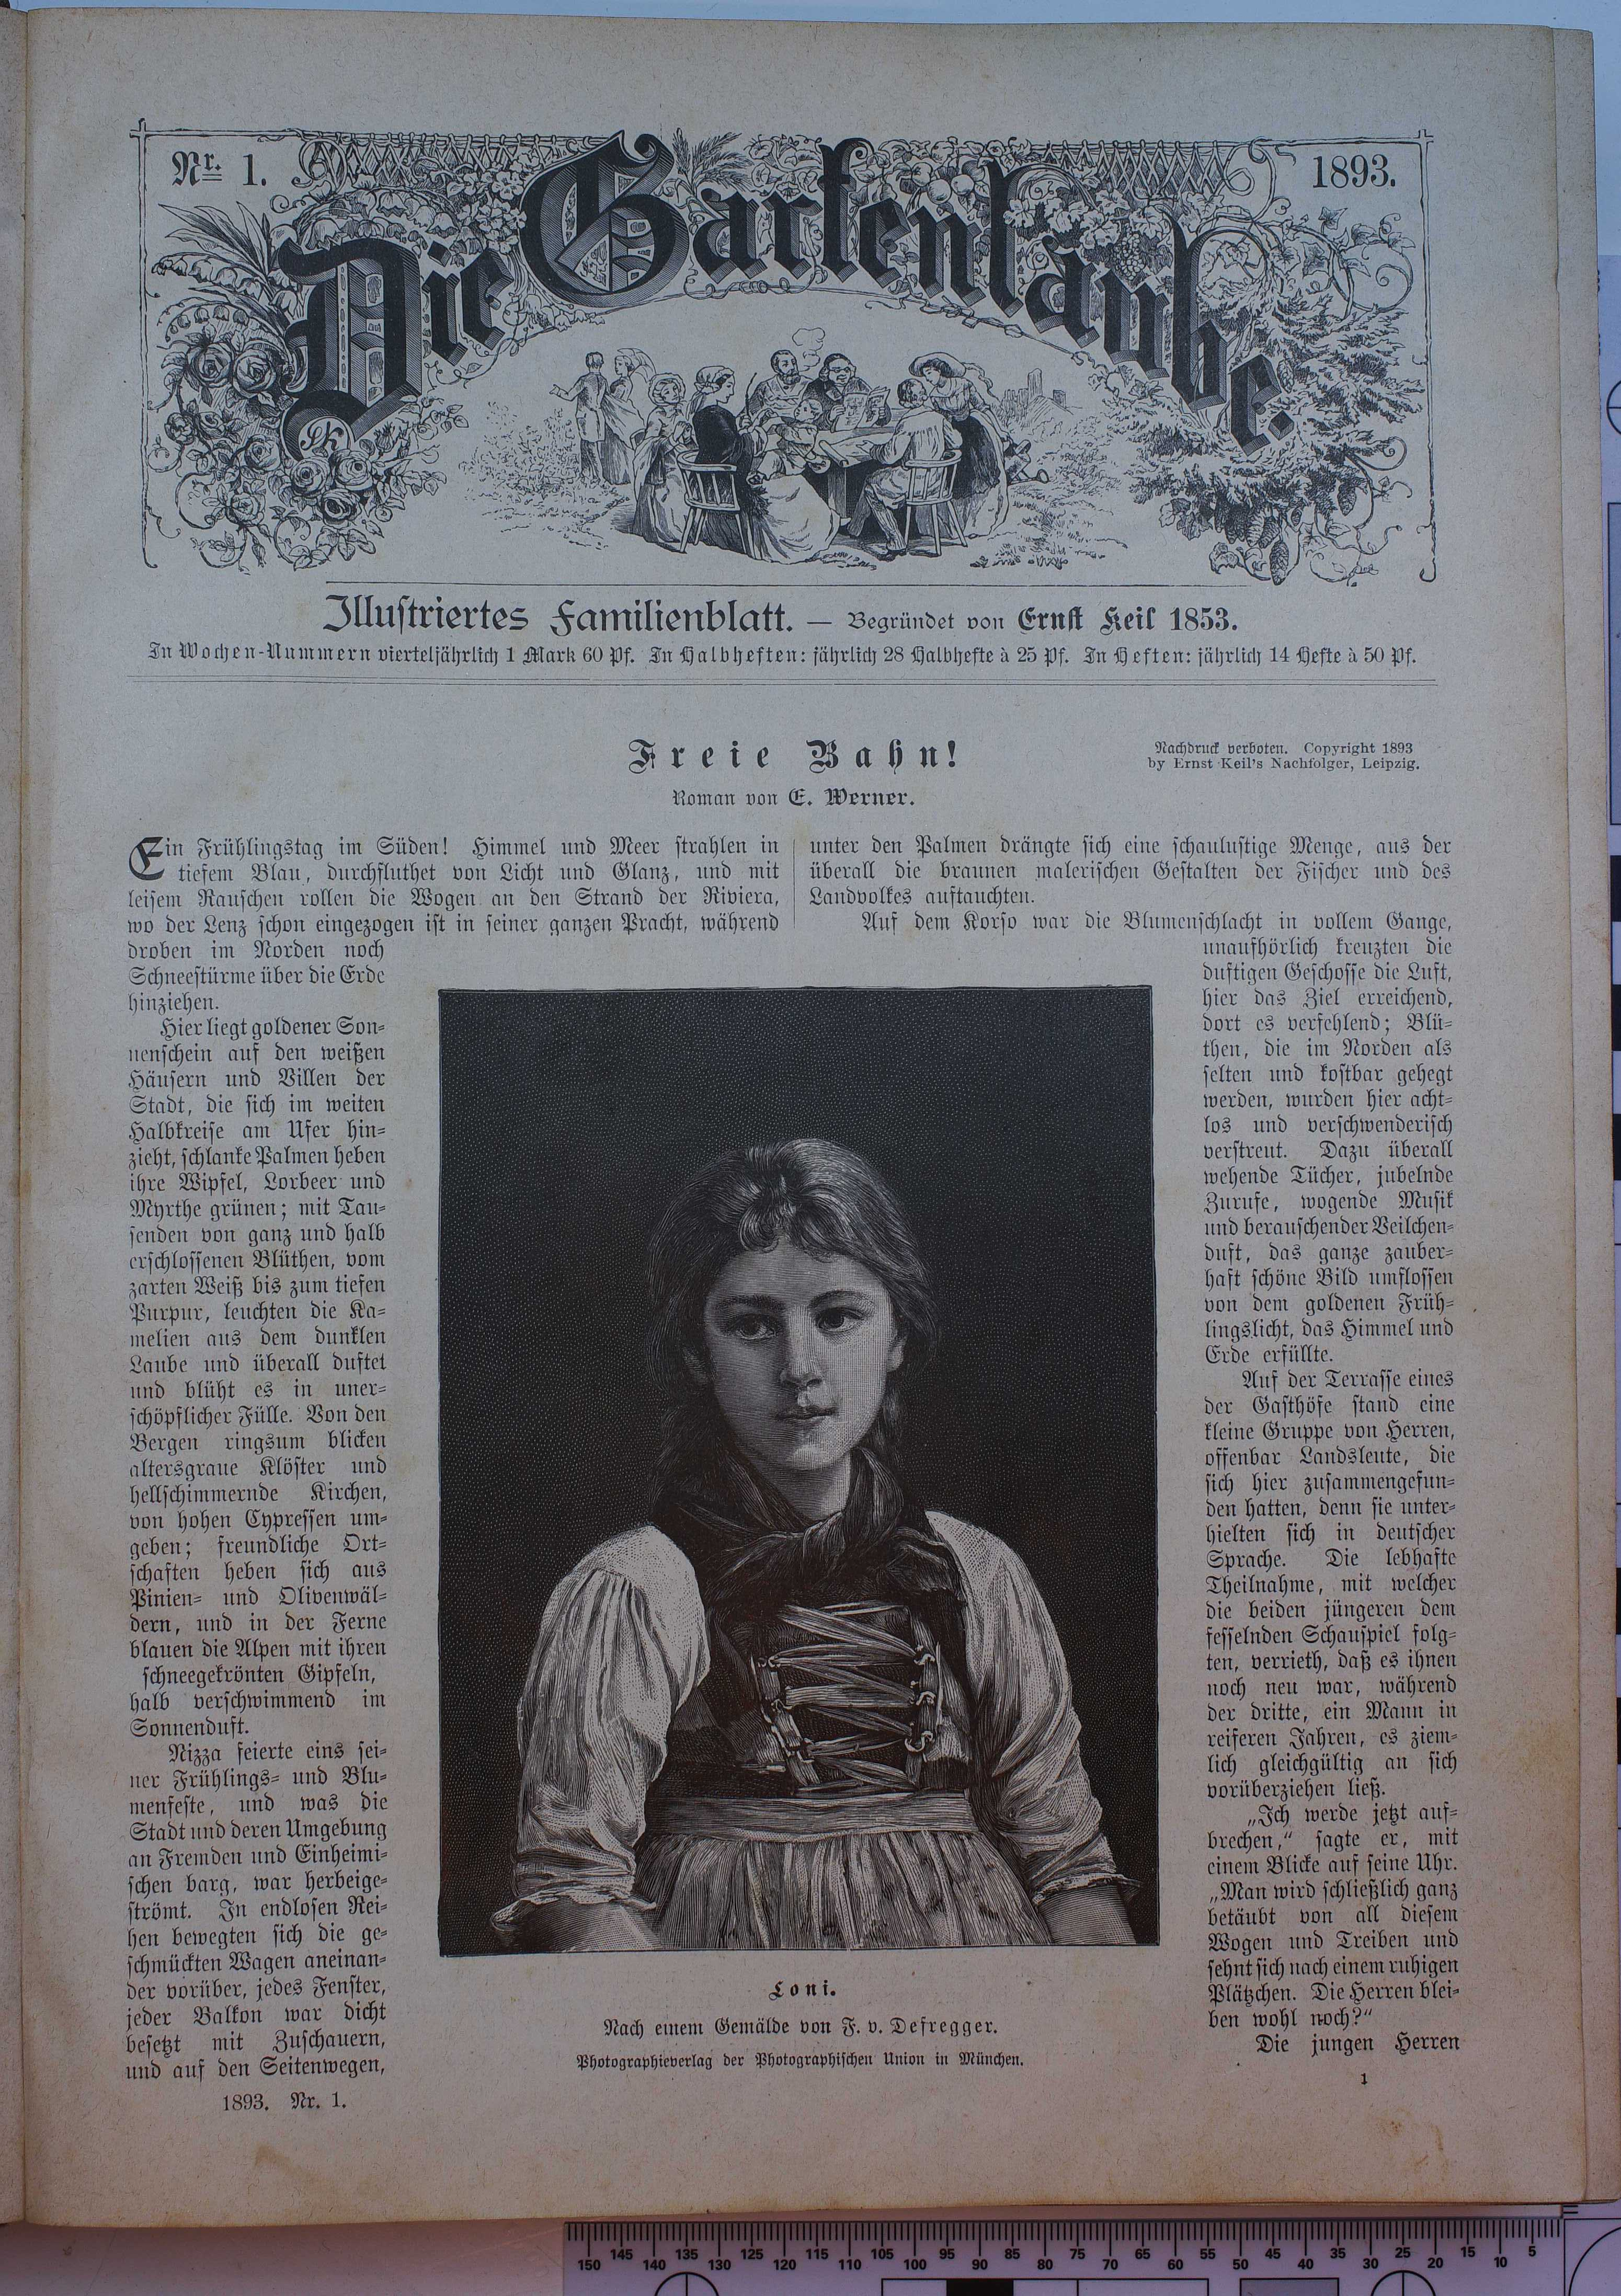Nr. 1. 1893.
Die Gartenlaube.

Illustriertes Familienblatt. – Begründet von Ernst Keil 1853.

In Wochen-Nummern vierteljährlich 1 Mark 60 Pf. In Halbheften: jährlich 28 Halbhefte à 25 Pf. In Heften: jährlich 14 Hefte à 50 Pf.

Freie Bahn!
Roman von E. Werner.

Ein Frühlingstag im Süden! Himmel und Meer strahlen in tiefem Blau, durchfluthet von Licht und Glanz, und mit leisem Rauschen rollen die Wogen an den Strand der Riviera, wo der Lenz schon eingezogen ist in seiner ganzen Pracht, während droben im Norden noch Schneestürme über die Erde hinziehen.

Hier liegt goldener Sonnenschein auf den weißen Häusern und Villen der Stadt, die sich im weiten Halbkreise am Ufer hinzieht, schlanke Palmen heben ihre Wipfel, Lorbeer und Myrthe grünen; mit Tausenden von ganz und halb erschlossenen Blüthen, vom zarten Weiß bis zum tiefen Purpur, leuchten die Kamelien aus dem dunklen Laube und überall duftet und blüht es in unerschöpflicher Fülle. Von den Bergen ringsum blicken altersgraue Klöster und hellschimmernde Kirchen, von hohen Cypressen umgeben; freundliche Ortschaften heben sich aus Pinien- und Olivenwäldern, und in der Ferne blauen die Alpen mit ihren schneegekrönten Gipfeln, halb verschwimmend im Sonnenduft.

Nizza feierte eins seiner Frühlings- und Blumenfeste, und was die Stadt und deren Umgebung an Fremden und Einheimischen barg, war herbeigeströmt. In endlosen Reihen bewegten sich die geschmückten Wagen aneinander vorüber, jedes Fenster, jeder Balkon war dicht besetzt mit Zuschauern, und auf den Seitenwegen, unter den Palmen drängte sich eine schaulustige Menge, aus der überall die braunen malerischen Gestalten der Fischer und des Landvolkes auftauchten.

Auf dem Korso war die Blumenschlacht in vollem Gange, unaufhörlich kreuzten die duftigen Geschosse die Luft, hier das Ziel erreichend, dort es verfehlend; Blüthen, die im Norden als selten und kostbar gehegt werden, wurden hier achtlos und verschwenderisch verstreut. Dazu überall wehende Tücher, jubelnde Zurufe, wogende Musik und berauschender Veilchenduft, das ganze zauberhaft schöne Bild umflossen von dem goldenen Frühlingslicht, das Himmel und Erde erfüllte.

Auf der Terrasse eines der Gasthöfe stand eine kleine Gruppe von Herren, offenbar Landsleute, die sich hier zusammengefunden hatten, denn sie unterhielten sich in deutscher Sprache. Die lebhafte Theilnahme, mit welcher die beiden jüngeren dem fesselnden Schauspiel folgten, verrieth, daß es ihnen noch neu war, während der dritte, ein Mann in reiferen Jahren, es ziemlich gleichgültig an sich vorüberziehen ließ.

„Ich werde jetzt aufbrechen,“ sagte er, mit einem Blicke auf seine Uhr. „Man wird schließlich ganz betäubt von all diesem Wogen und Treiben und sehnt sich nach einem ruhigen Plätzchen. Die Herren bleiben wohl noch?“

Die jungen Herren

Loni.
Nach einem Gemälde von F. v. Defregger.
Photographieverlag der Photographischen Union in München.
